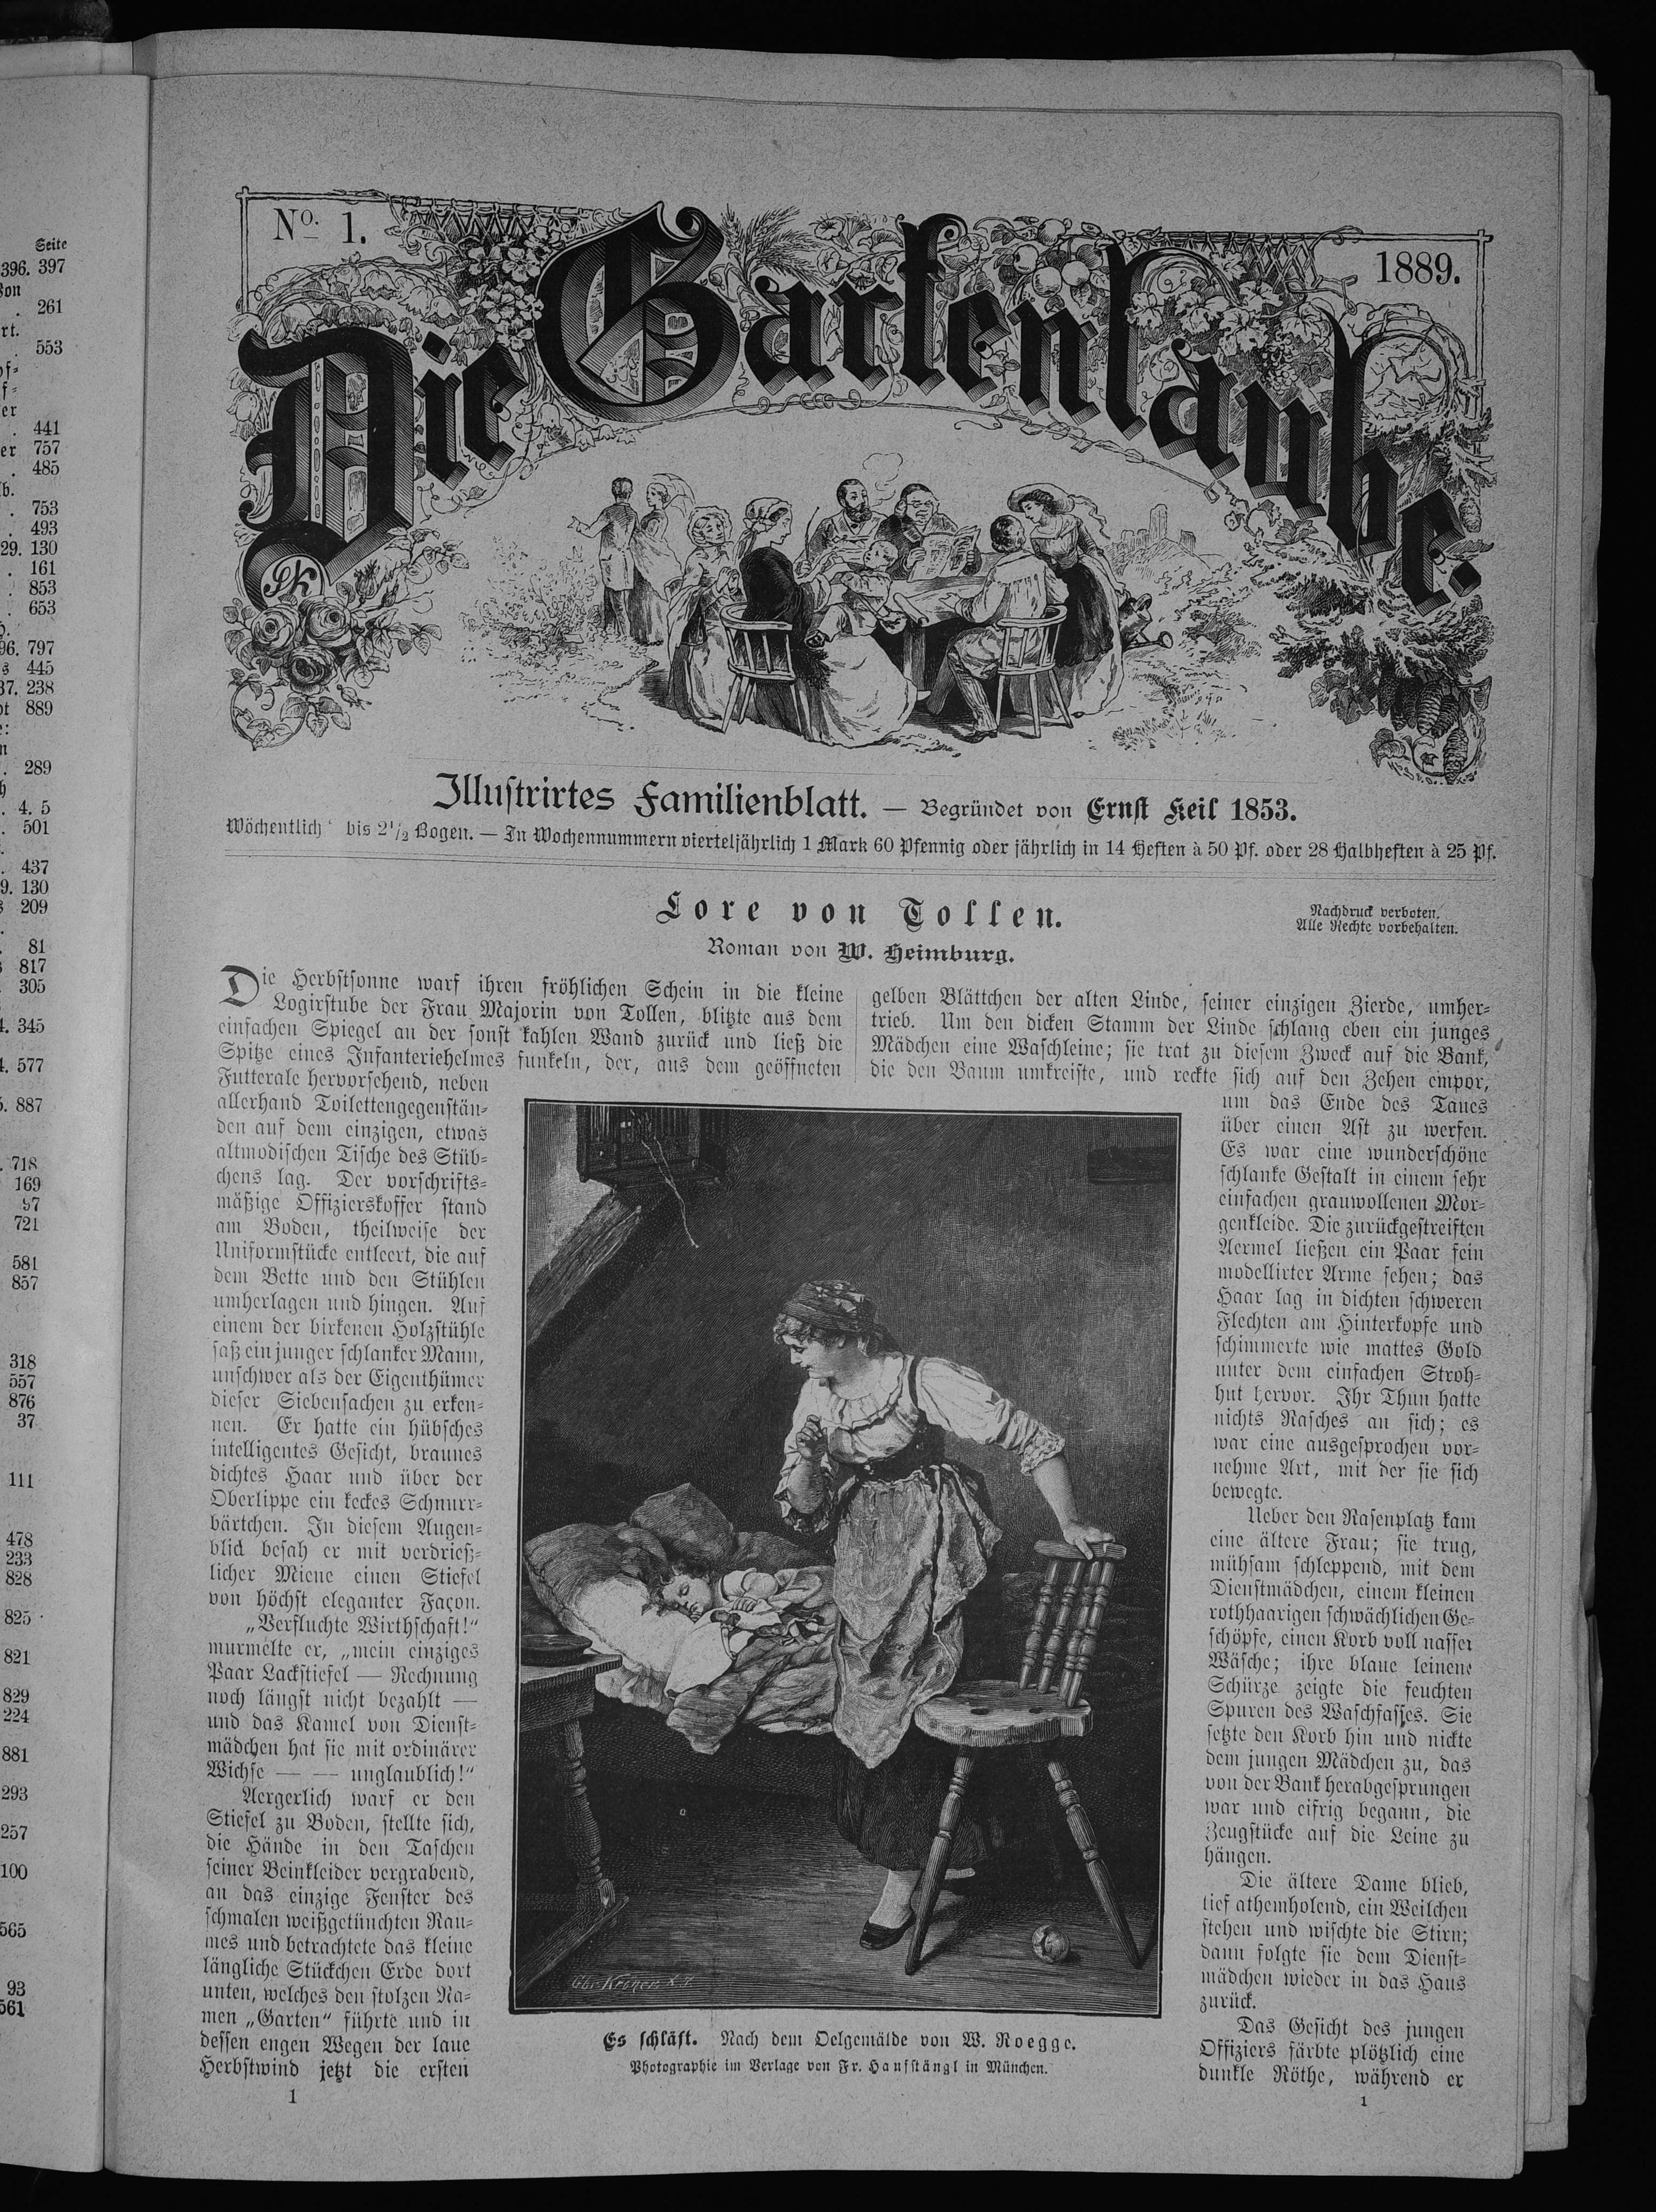No. 1. 1889.
Die Gartenlaube.

Illustrirtes Familienblatt. — Begründet von Ernst Keil 1853.

Wöchentlich 2 bis 2½ Bogen. – In Wochennummern vierteljährlich 1 Mark 60 Pfennig oder jährlich in 14 Heften à 50 Pf. oder 28 Halbheften à 25 Pf.

Lore von Tollen.
Nachdruck verboten.
Alle Rechte vorbehalten.
Roman von W. Heimburg.

Die Herbstsonne warf ihren fröhlichen Schein in die kleine Logirstube der Frau Majorin von Tollen, blitzte aus dem einfachen Spiegel an der sonst kahlen Wand zurück und ließ die Spitze eines Infanteriehelmes funkeln, der, aus dem geöffneten Futterale hervorsehend, neben allerhand Toilettengegenständen auf dem einzigen, etwas altmodischen Tische des Stübchens lag. Der vorschriftsmäßige Offizierskoffer stand am Boden, theilweise der Uniformstücke entleert, die auf dem Bette und den Stühlen umherlagen und hingen. Auf einem der birkenen Holzstühle saß ein junger schlanker Mann, unschwer als der Eigenthümer dieser Siebensachen zu erkennen. Er hatte ein hübsches intelligentes Gesicht, braunes dichtes Haar und über der Oberlippe ein keckes Schnurrbärtchen. In diesem Augenblick besah er mit verdrießlicher Miene einen Stiefel von höchst eleganter Façon.

„Verfluchte Wirthschaft!“ murmelte er, „mein einziges Paar Lackstiefel – Rechnung noch längst nicht bezahlt – und das Kamel von Dienstmädchen hat sie mit ordinärer Wichse – – unglaublich!“

Aergerlich warf er den Stiefel zu Boden, stellte sich, die Hände in den Taschen seiner Beinkleider vergrabend, an das einzige Fenster des schmalen weißgetünchten Raumes und betrachtete das kleine längliche Stückchen Erde dort unten, welches den stolzen Namen „Garten“ führte und in dessen engen Wegen der laue Herbstwind jetzt die ersten gelben Blättchen der alten Linde, seiner einzigen Zierde, umhertrieb. Um den dicken Stamm der Linde schlang eben ein junges Mädchen eine Waschleine; sie trat zu diesem Zweck auf die Bank, die den Baum umkreiste, und reckte sich auf den Zehen empor, um das Ende des Taues über einen Ast zu werfen. Es war eine wunderschöne schlanke Gestalt in einem sehr einfachen grauwollenen Morgenkleide. Die zurückgestreiften Aermel ließen ein Paar fein modellirter Arme sehen; das Haar lag in dichten schweren Flechten am Hinterkopfe und schimmerte wie mattes Gold unter dem einfachen Strohhut hervor. Ihr Thun hatte nichts Rasches an sich; es war eine ausgesprochen vornehme Art, mit der sie sich bewegte.

Ueber den Rasenplatz kam eine ältere Frau; sie trug, mühsam schleppend, mit dem Dienstmädchen, einem kleinen rothhaarigen schwächlichen Geschöpfe, einen Korb voll nasser Wäsche; ihre blaue leinene Schürze zeigte die feuchten Spuren des Waschfasses. Sie setzte den Korb hin und nickte dem jungen Mädchen zu, das von der Bank herabgesprungen war und eifrig begann, die Zeugstücke auf die Leine zu hängen.

Die ältere Dame blieb, tief athemholend, ein Weilchen stehen und wischte die Stirn; dann folgte sie dem Dienstmädchen wieder in das Haus zurück.

Das Gesicht des jungen Offiziers färbte plötzlich eine dunkle Röthe, während er

Es schläft. Nach dem Oelgemälde von W. Roegge.
Photographie im Verlage von Fr. Hanfstängl in München.
